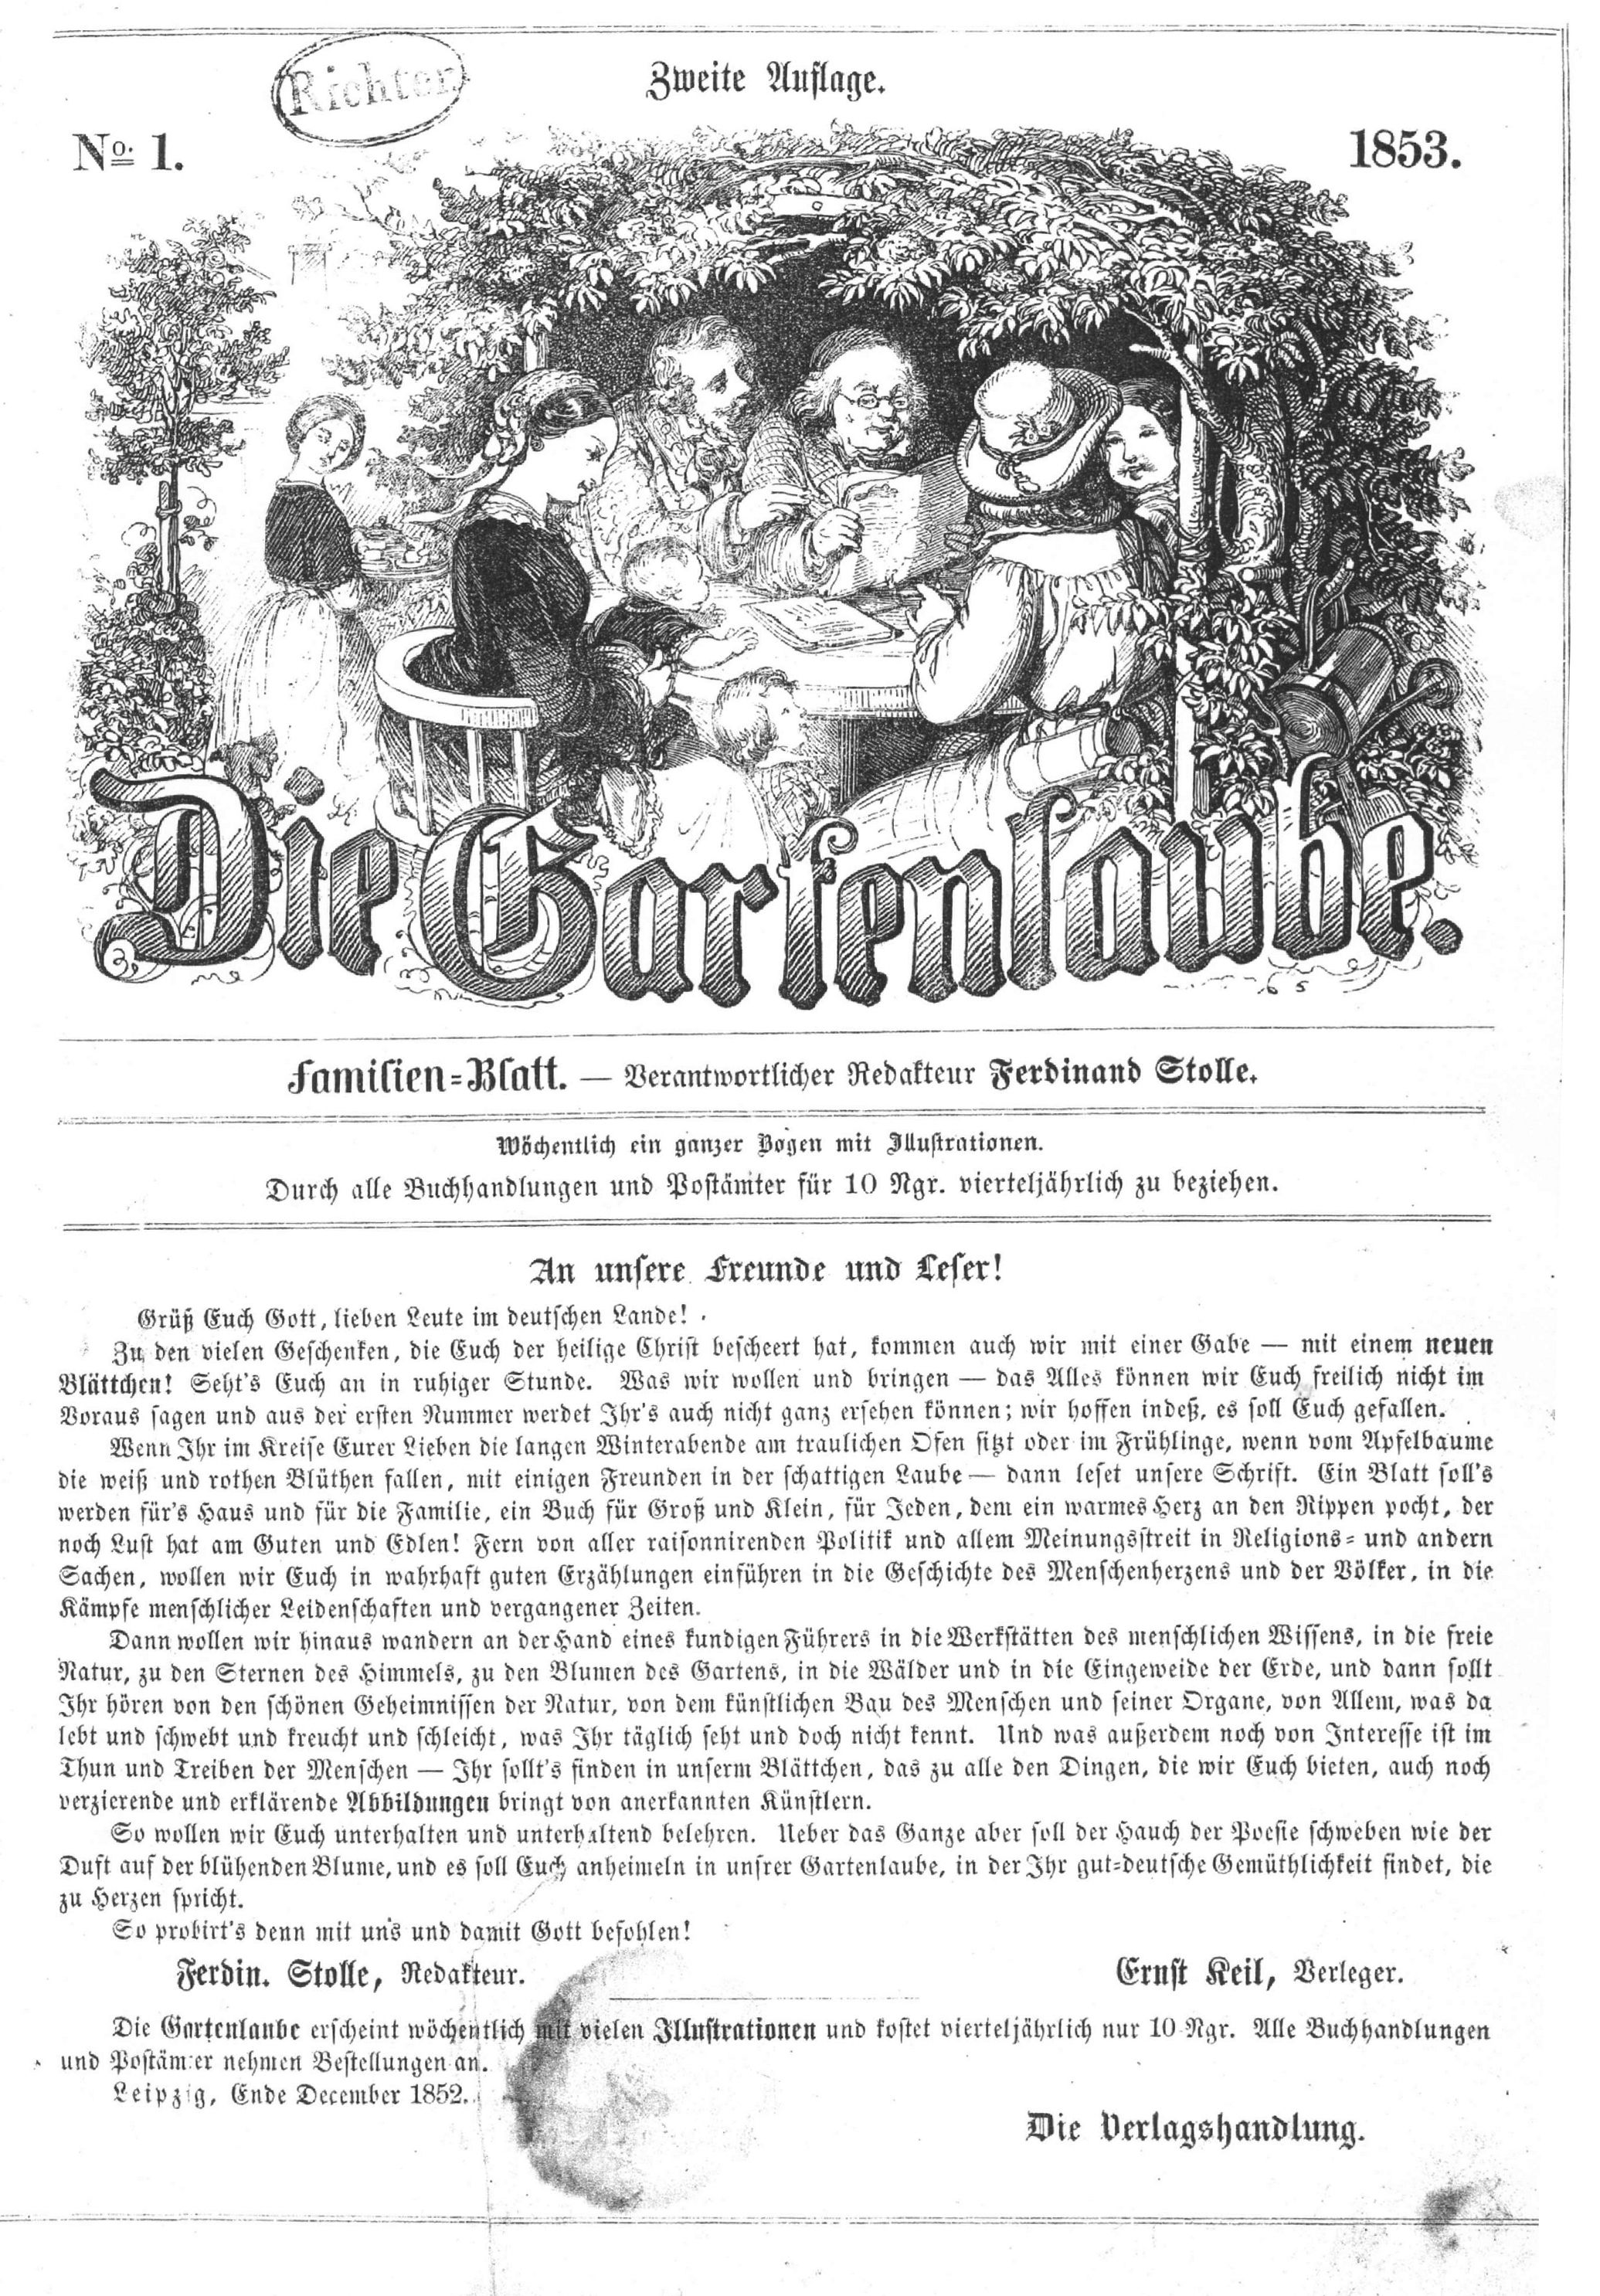Zweite Auflage.
No. 1. 1853.

Die Gartenlaube.

Familien-Blatt. – Verantwortlicher Redakteur Ferdinand Stolle.

Wöchentlich ein ganzer Bogen mit Illustrationen.
Durch alle Buchhandlungen und Postämter für 10 Ngr. vierteljährlich zu beziehen.

An unsere Freunde und Leser!

Grüß Euch Gott, lieben Leute im deutschen Lande!

Zu den vielen Geschenken, die Euch der heilige Christ bescheert hat, kommen auch wir mit einer Gabe – mit einem neuen Blättchen! Seht’s Euch an in ruhiger Stunde. Was wir wollen und bringen – das Alles können wir Euch freilich nicht im Voraus sagen und aus der ersten Nummer werdet Ihr’s auch nicht ganz ersehen können; wir hoffen indeß, es soll Euch gefallen.

Wenn ihr im Kreise Eurer Lieben die langen Winterabende am traulichen Ofen sitzt oder im Frühlinge, wenn vom Apfelbaume die weiß und rothen Blüthen fallen, mit einigen Freunden in der schattigen Laube – dann leset unsere Schrift. Ein Blatt soll’s werden für’s Haus und für die Familie, ein Buch für Groß und Klein, für Jeden, dem ein warmes Herz an den Rippen pocht, der noch Lust hat am Guten und Edlen! Fern von aller raisonnirenden Politik und allem Meinungsstreit in Religions- und andern Sachen, wollen wir Euch in wahrhaft guten Erzählungen einführen in die Geschichte des Menschenherzens und der Völker, in die Kämpfe menschlicher Leidenschaften und vergangener Zeiten.

Dann wollen wir hinaus wandern an der Hand eines kundigen Führers in die Werkstätten des menschlichen Wissens, in die freie Natur, zu den Sternen des Himmels, zu den Blumen des Gartens, in die Wälder und in die Eingeweide der Erde, und dann sollt Ihr hören von den schönen Geheimnissen der Natur, von dem künstlichen Bau des Menschen und seiner Organe, von Allem, was da lebt und schwebt und kreucht und schleicht, was Ihr täglich seht und doch nicht kennt. Und was außerdem noch von Interesse ist im Thun und Treiben der Menschen – Ihr sollt’s finden in unserm Blättchen, das zu alle den Dingen, die wir Euch bieten, auch noch verzierende und erklärende Abbildungen bringt von anerkannten Künstlern.

So wollen wir Euch unterhalten und unterhaltend belehren. Ueber das Ganze aber soll der Hauch der Poesie schweben wie der Duft auf der blühenden Blume, und es soll Euch anheimeln in unsrer Gartenlaube, in der Ihr gut-deutsche Gemüthlichkeit findet, die zu Herzen spricht.

So probirt’s denn mit uns und damit Gott befohlen!

Ferdin. Stolle, Redakteur. Ernst Keil, Verleger.

Die Gartenlaube erscheint wöchentlich mit vielen Illustrationen und kostet vierteljährlich nur 10 Ngr. Alle Buchhandlungen und Postämter nehmen Bestellungen an.

Leipzig, Ende December 1852.
Die Verlagshandlung.
